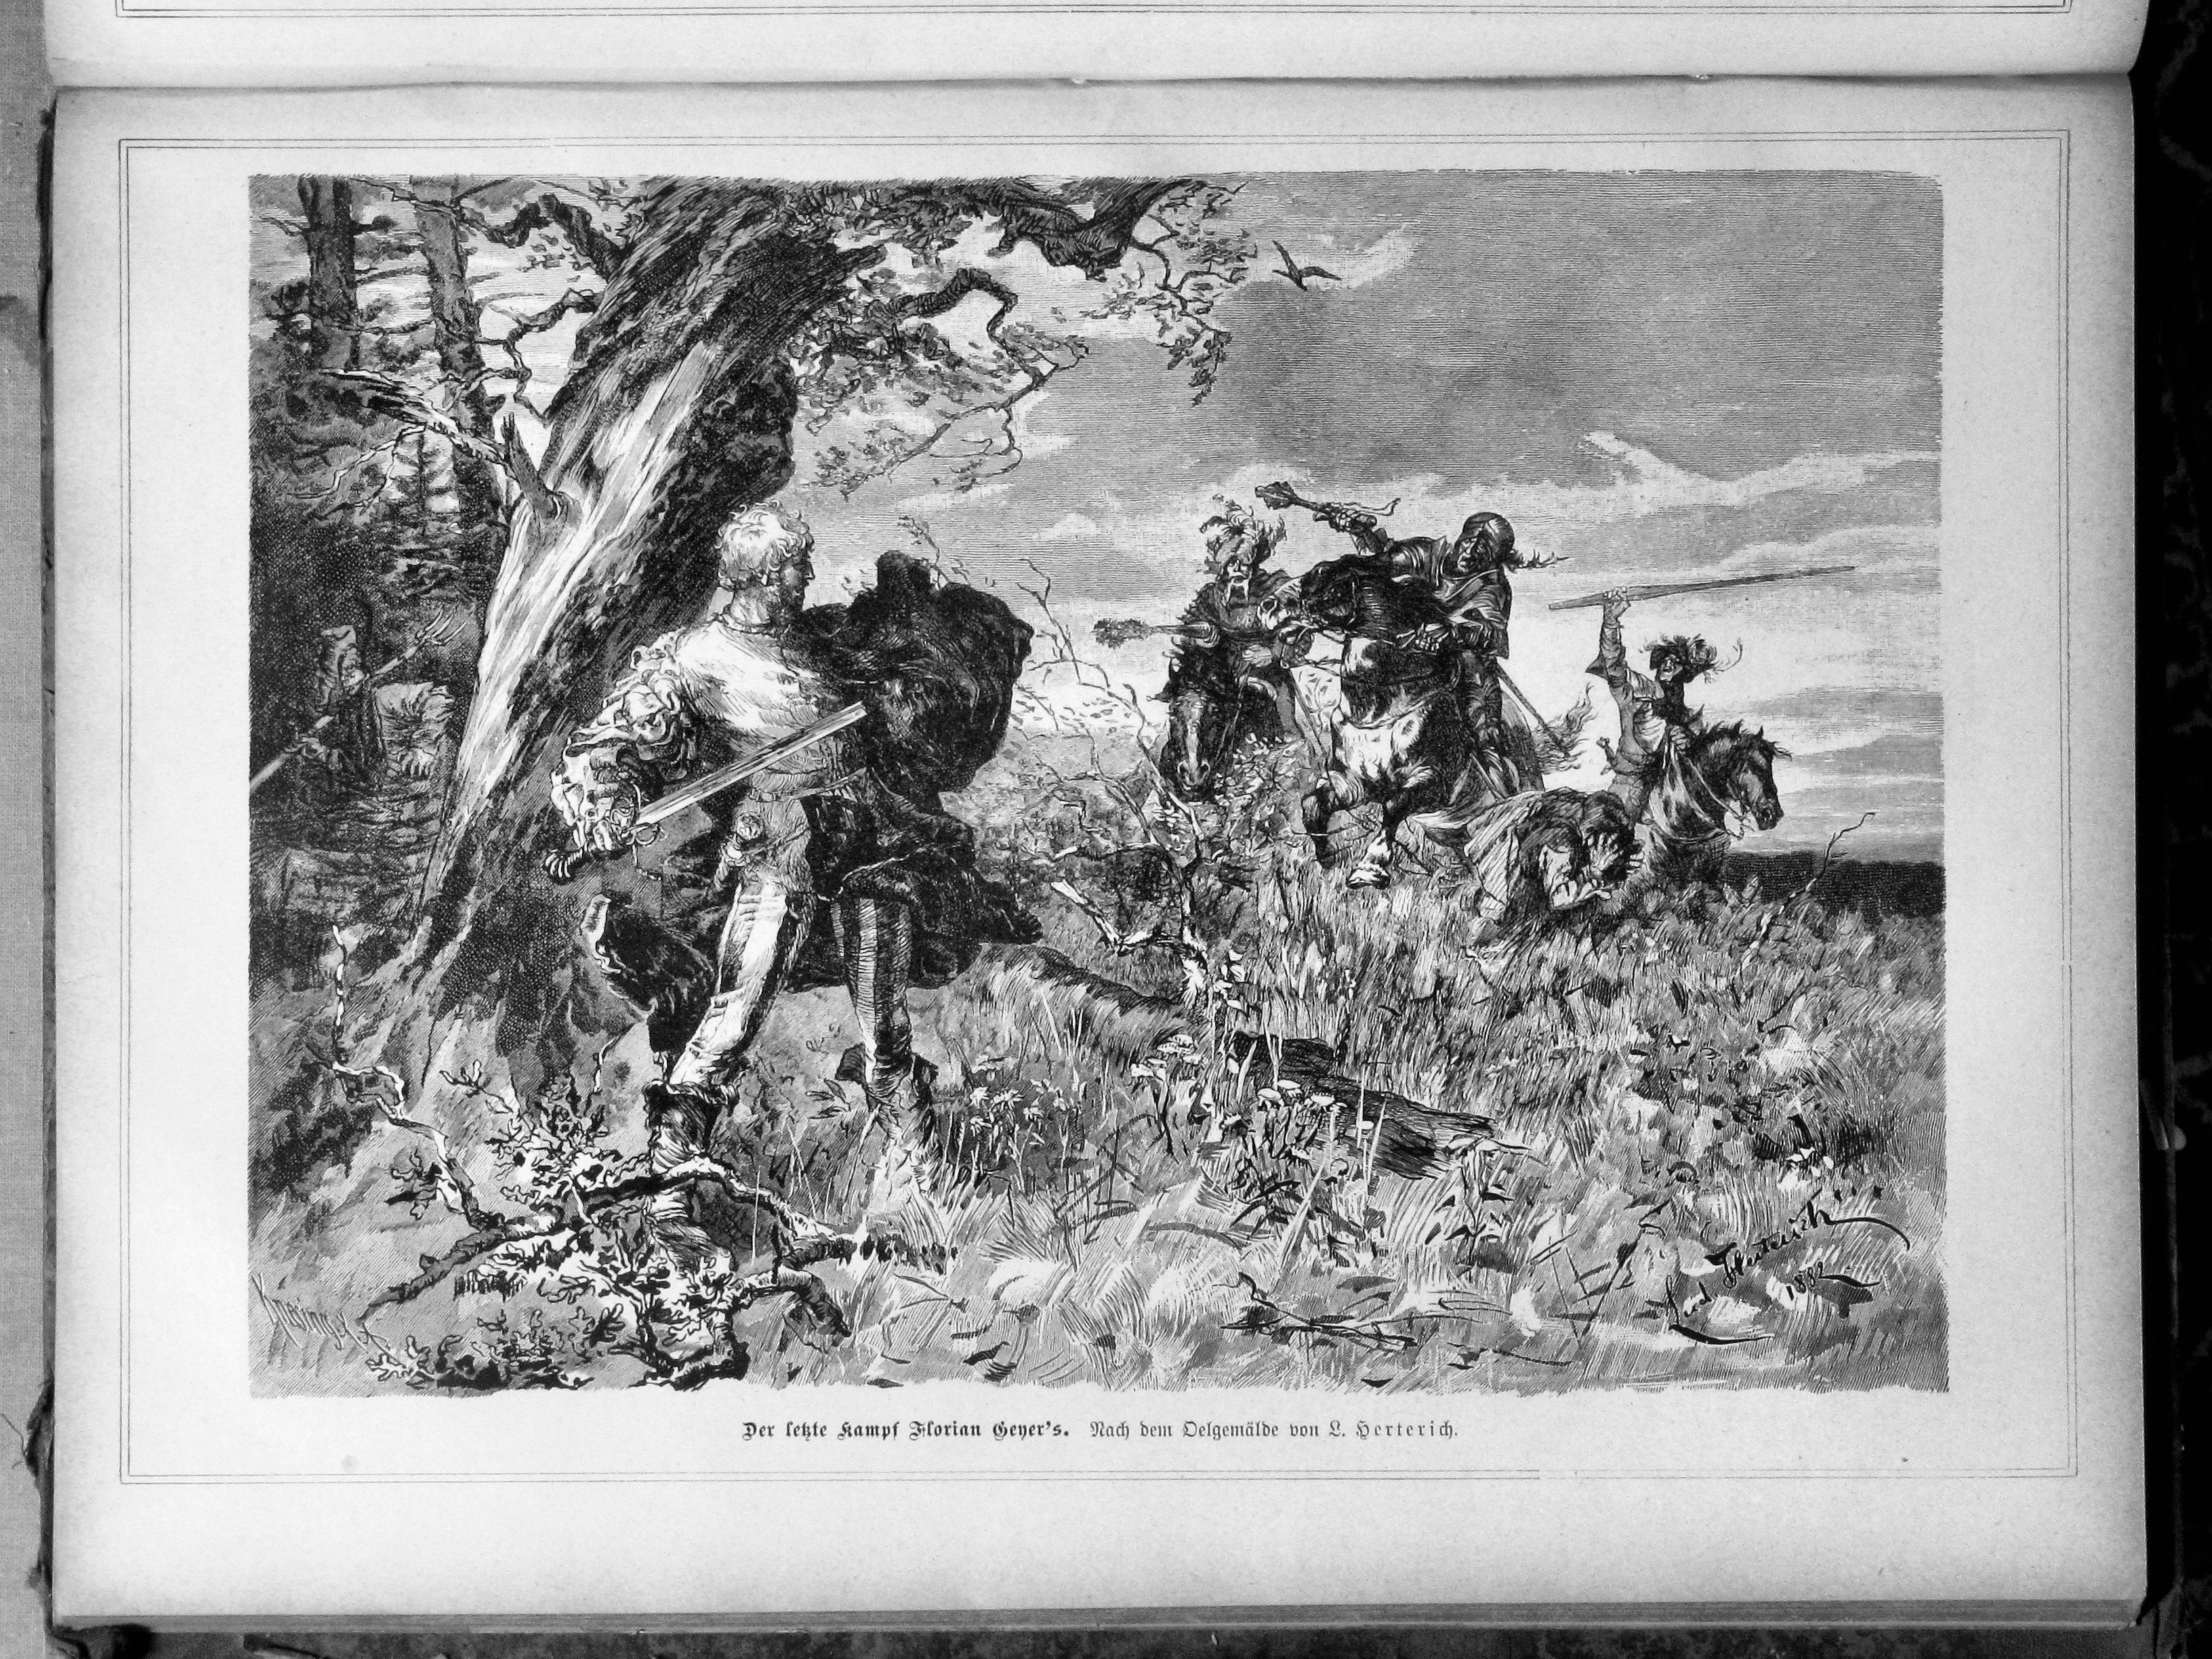Der letzte Kampf Florian Geyer’s. Nach dem Oelgemälde von L. Herterich.
